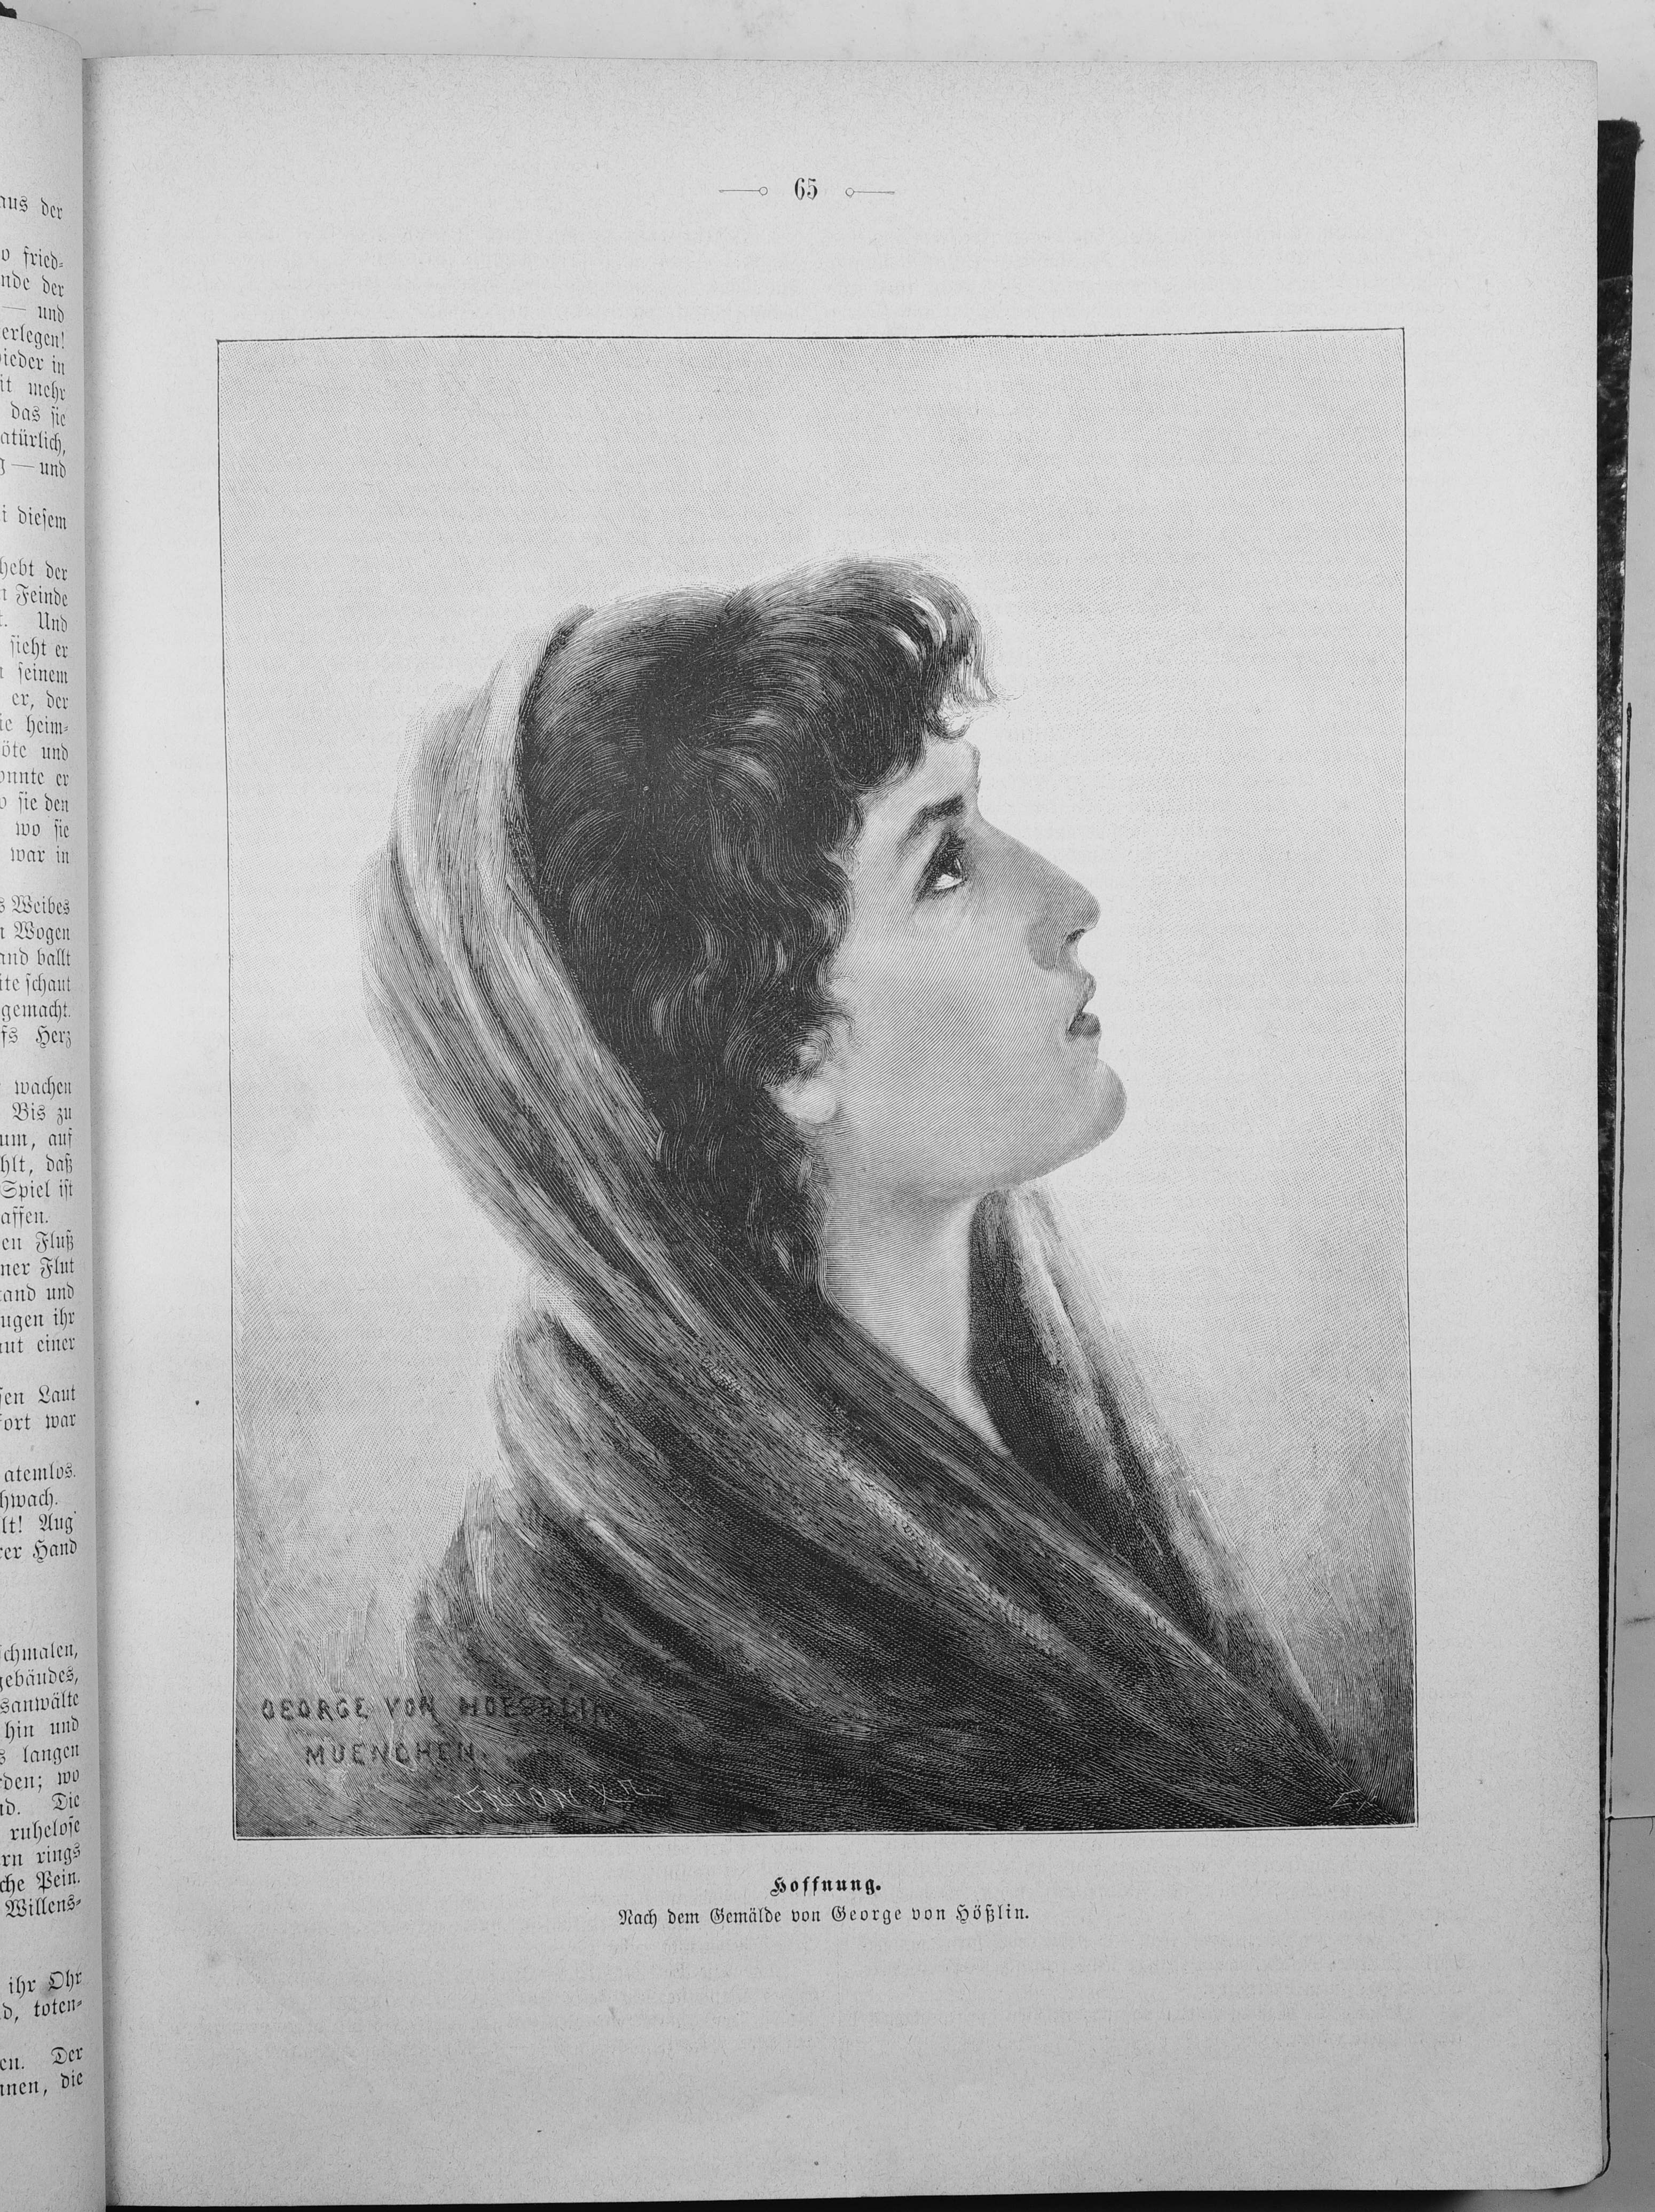Hoffnung.
Nach dem Gemälde von George von Hößlin.
